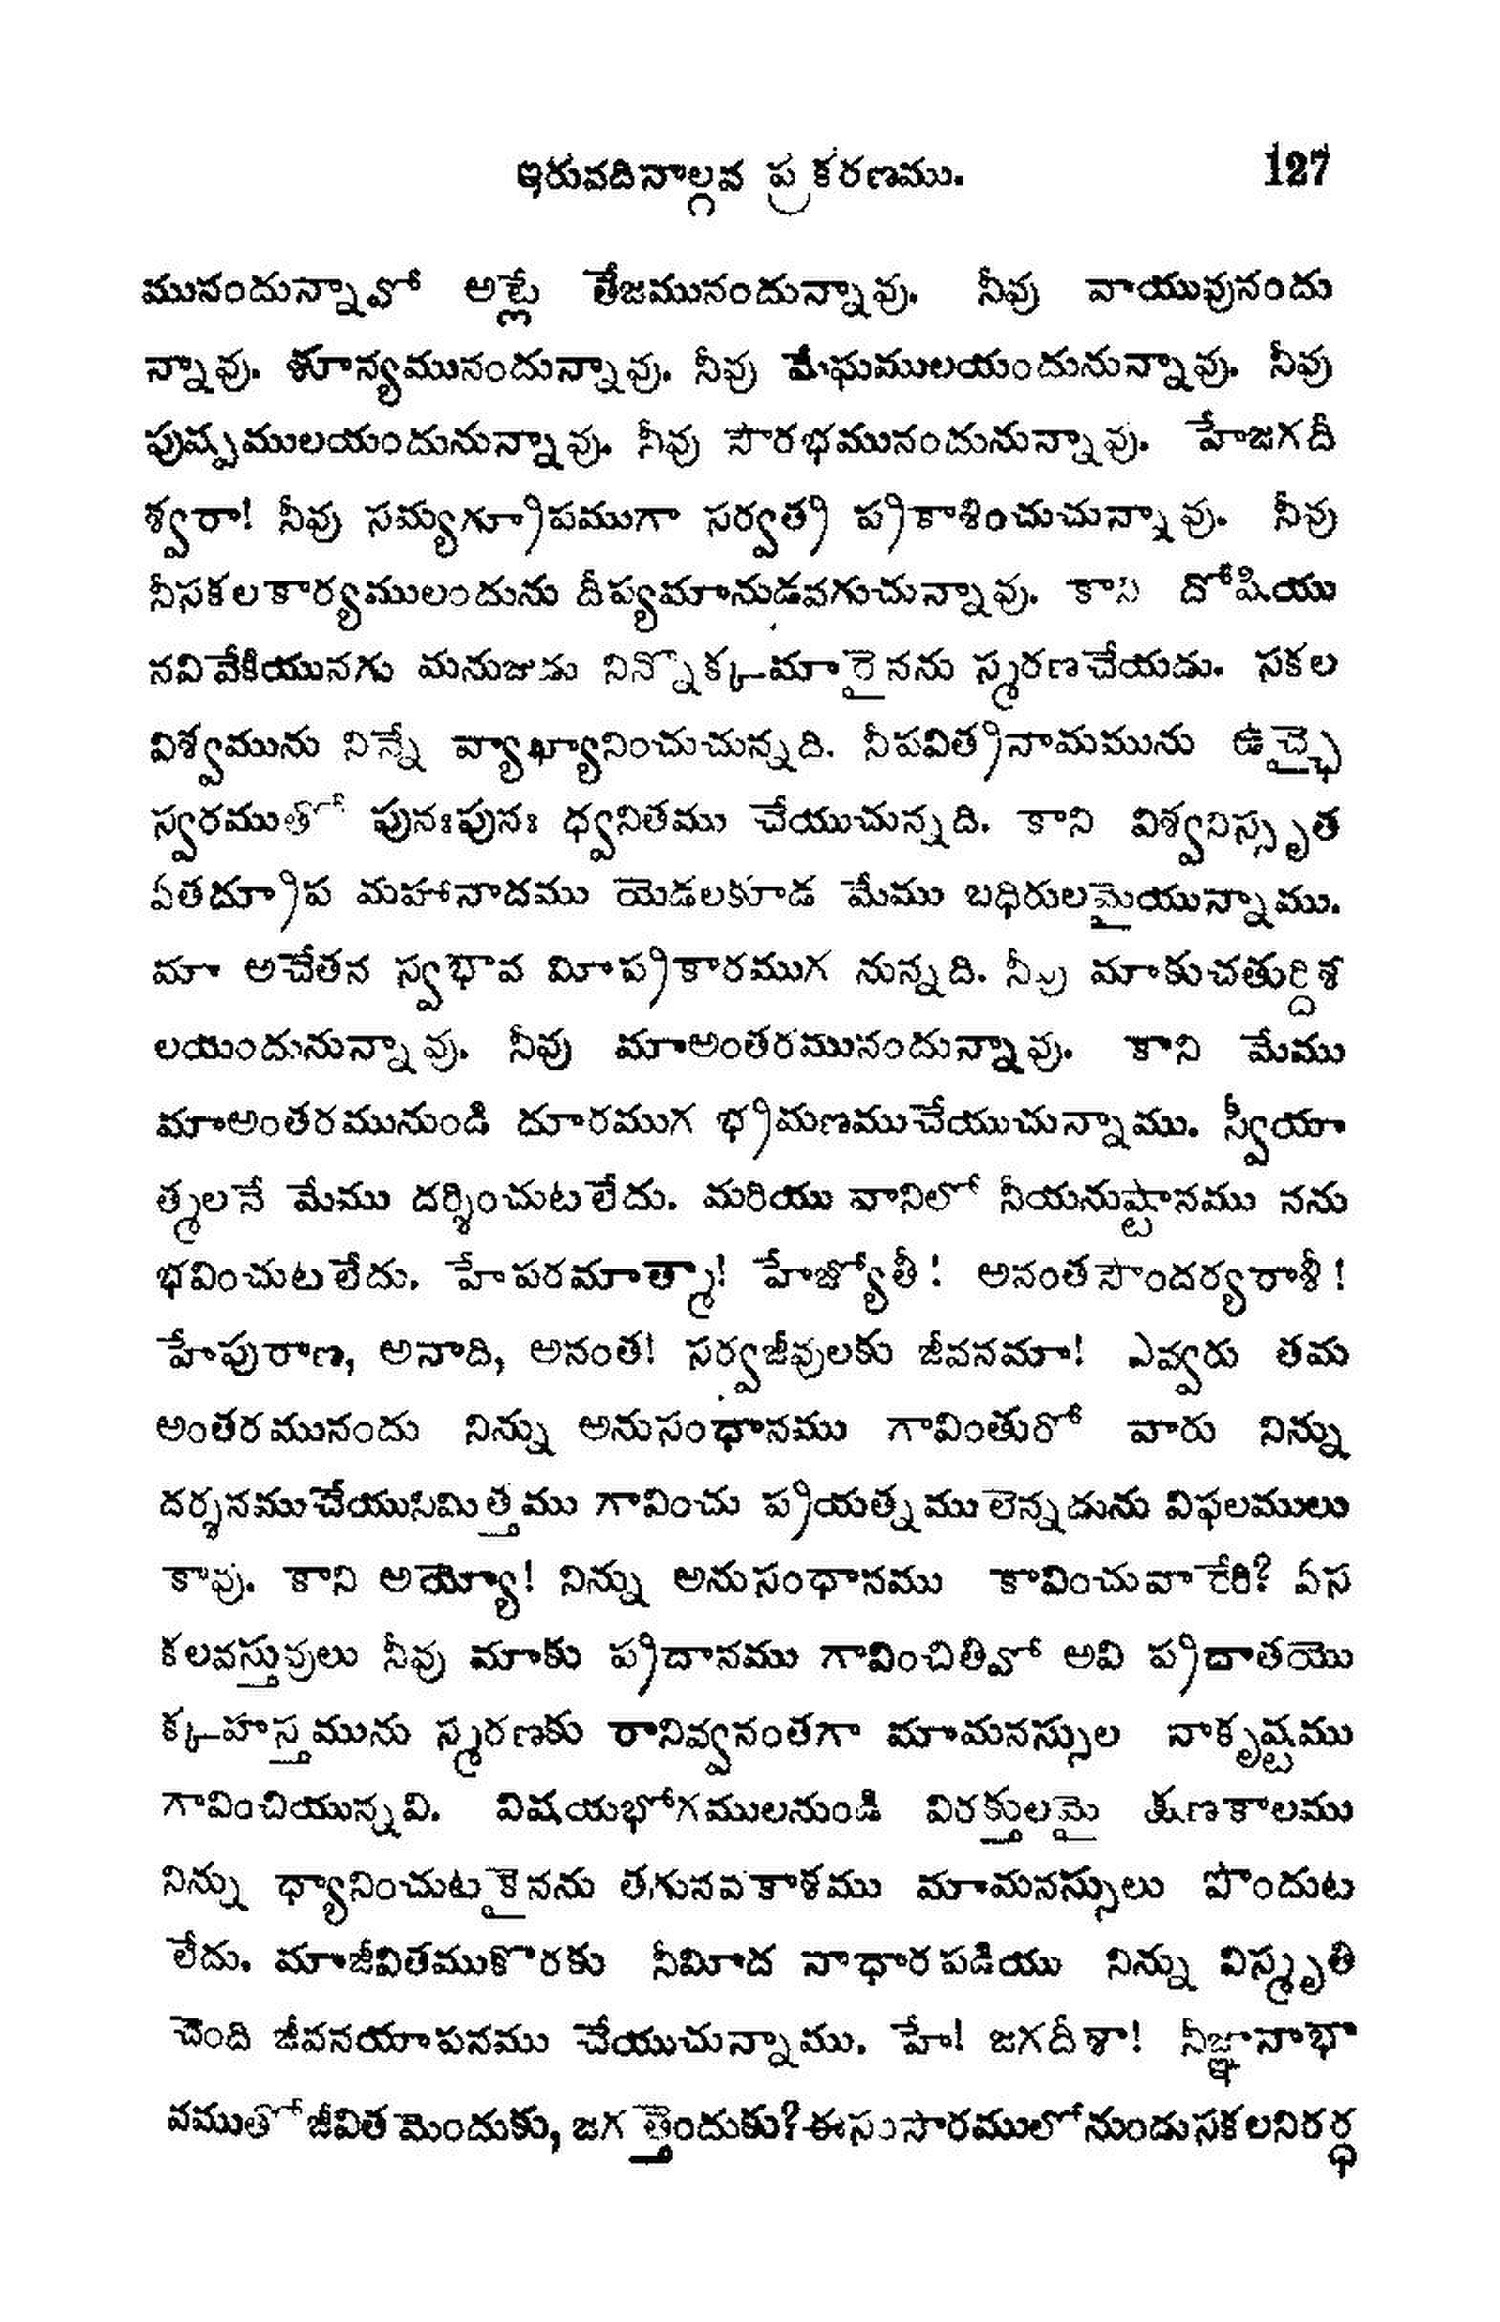మునందున్నావో అట్లే తేజము నందున్నావు. నీవు వాయువు
నందున్నావు. శూన్యమునందున్నావు. నీవు వేఘముల యందునున్నావు. 
నీవు పుష్పముల యందునున్నావు. నీవు సౌరభము నందునున్నావు, 
హే జగదీశ్వరా! నీవు సమ్యగ్రూపముగా సర్వత ప్రకాశించుచున్నావు. నీవు
నీ సకల కార్యములందును దీప్యమానుడవగుచున్నావు. కాని దోషియు
నవివేకియునగు మనుజుకు నిన్నొక్కమారైనను స్మరణ చేయడు. సకల
విశ్వమును నిన్నే వ్యాఖ్యానించు చున్నది. నీ పవిత్ర నామమును ఉచ్ఛై
స్వరము , " పునఃపునః ధ్వనితము చేయుచున్నది. కాని విశ్వనిస్సృత
ఏతద్రూప మహా నాదము యెడలకూడ మేము బధిరులమై యున్నాము.
మా అచేతన స్వభావ మీ ప్రకారముగ నున్నది. నీవు మాకు చతుర్దశ
లయందునున్నావు, నీవు మాఅంతరమునందున్నావు. కాని మేము
మాఅంతరమునుండి దూరముగ బ్రమణము చేయుచున్నాము. 
స్వీయాత్మలనే మేము దర్శించుట లేదు. మరియు వానిలో నీయనుష్టానము 
ననుభవించుట లేదు. 'హే పరమాత్మా! హేజ్యోతి : అనంత సౌందర్య రాశీ 
హేపురాణ, అనాది, అనంత! సర్వజీవులకు జీవనమా ! ఎవ్వరు తమ
అంతరమునందు నిన్ను అనుసంధానము గావింతురో వారు నిన్ను
దర్శనము చేయునిమిత్తము గావించు ప్రయత్నము లెన్నడును విఫలములు
కావు. కాని అయ్యో! నిన్ను అనుసంధానము కావించువా రేరి? 
ఏ సకలవస్తువులు నీవు మాకు ప్రదానము గావించితివో అవి ప్రదాత
యొక్కహస్తమును స్మరణకు రానివ్వనంతగా మామనస్సుల నాకృష్టము
గావించియున్నవి. విషయ భోగముల నుండి విరక్తులమై క్షణకాలము
నిన్ను ధ్యానించుట కైనను తగు నవకాశము మామనస్సులు పొందుట
లేదు. మాజీవితము కొరకు నీమీద నాధార పడియు నీన్ను విస్మృతి
చెంది జీవనయాపనము చేయుచున్నాము. 'హే ! జగదీశా! నీజ్ఞానా
భావముతో జీవిత మెందుకు, జగత్తెందుకు? ఈ సుసొరములో 
నుండు సకల నిరర్ధ